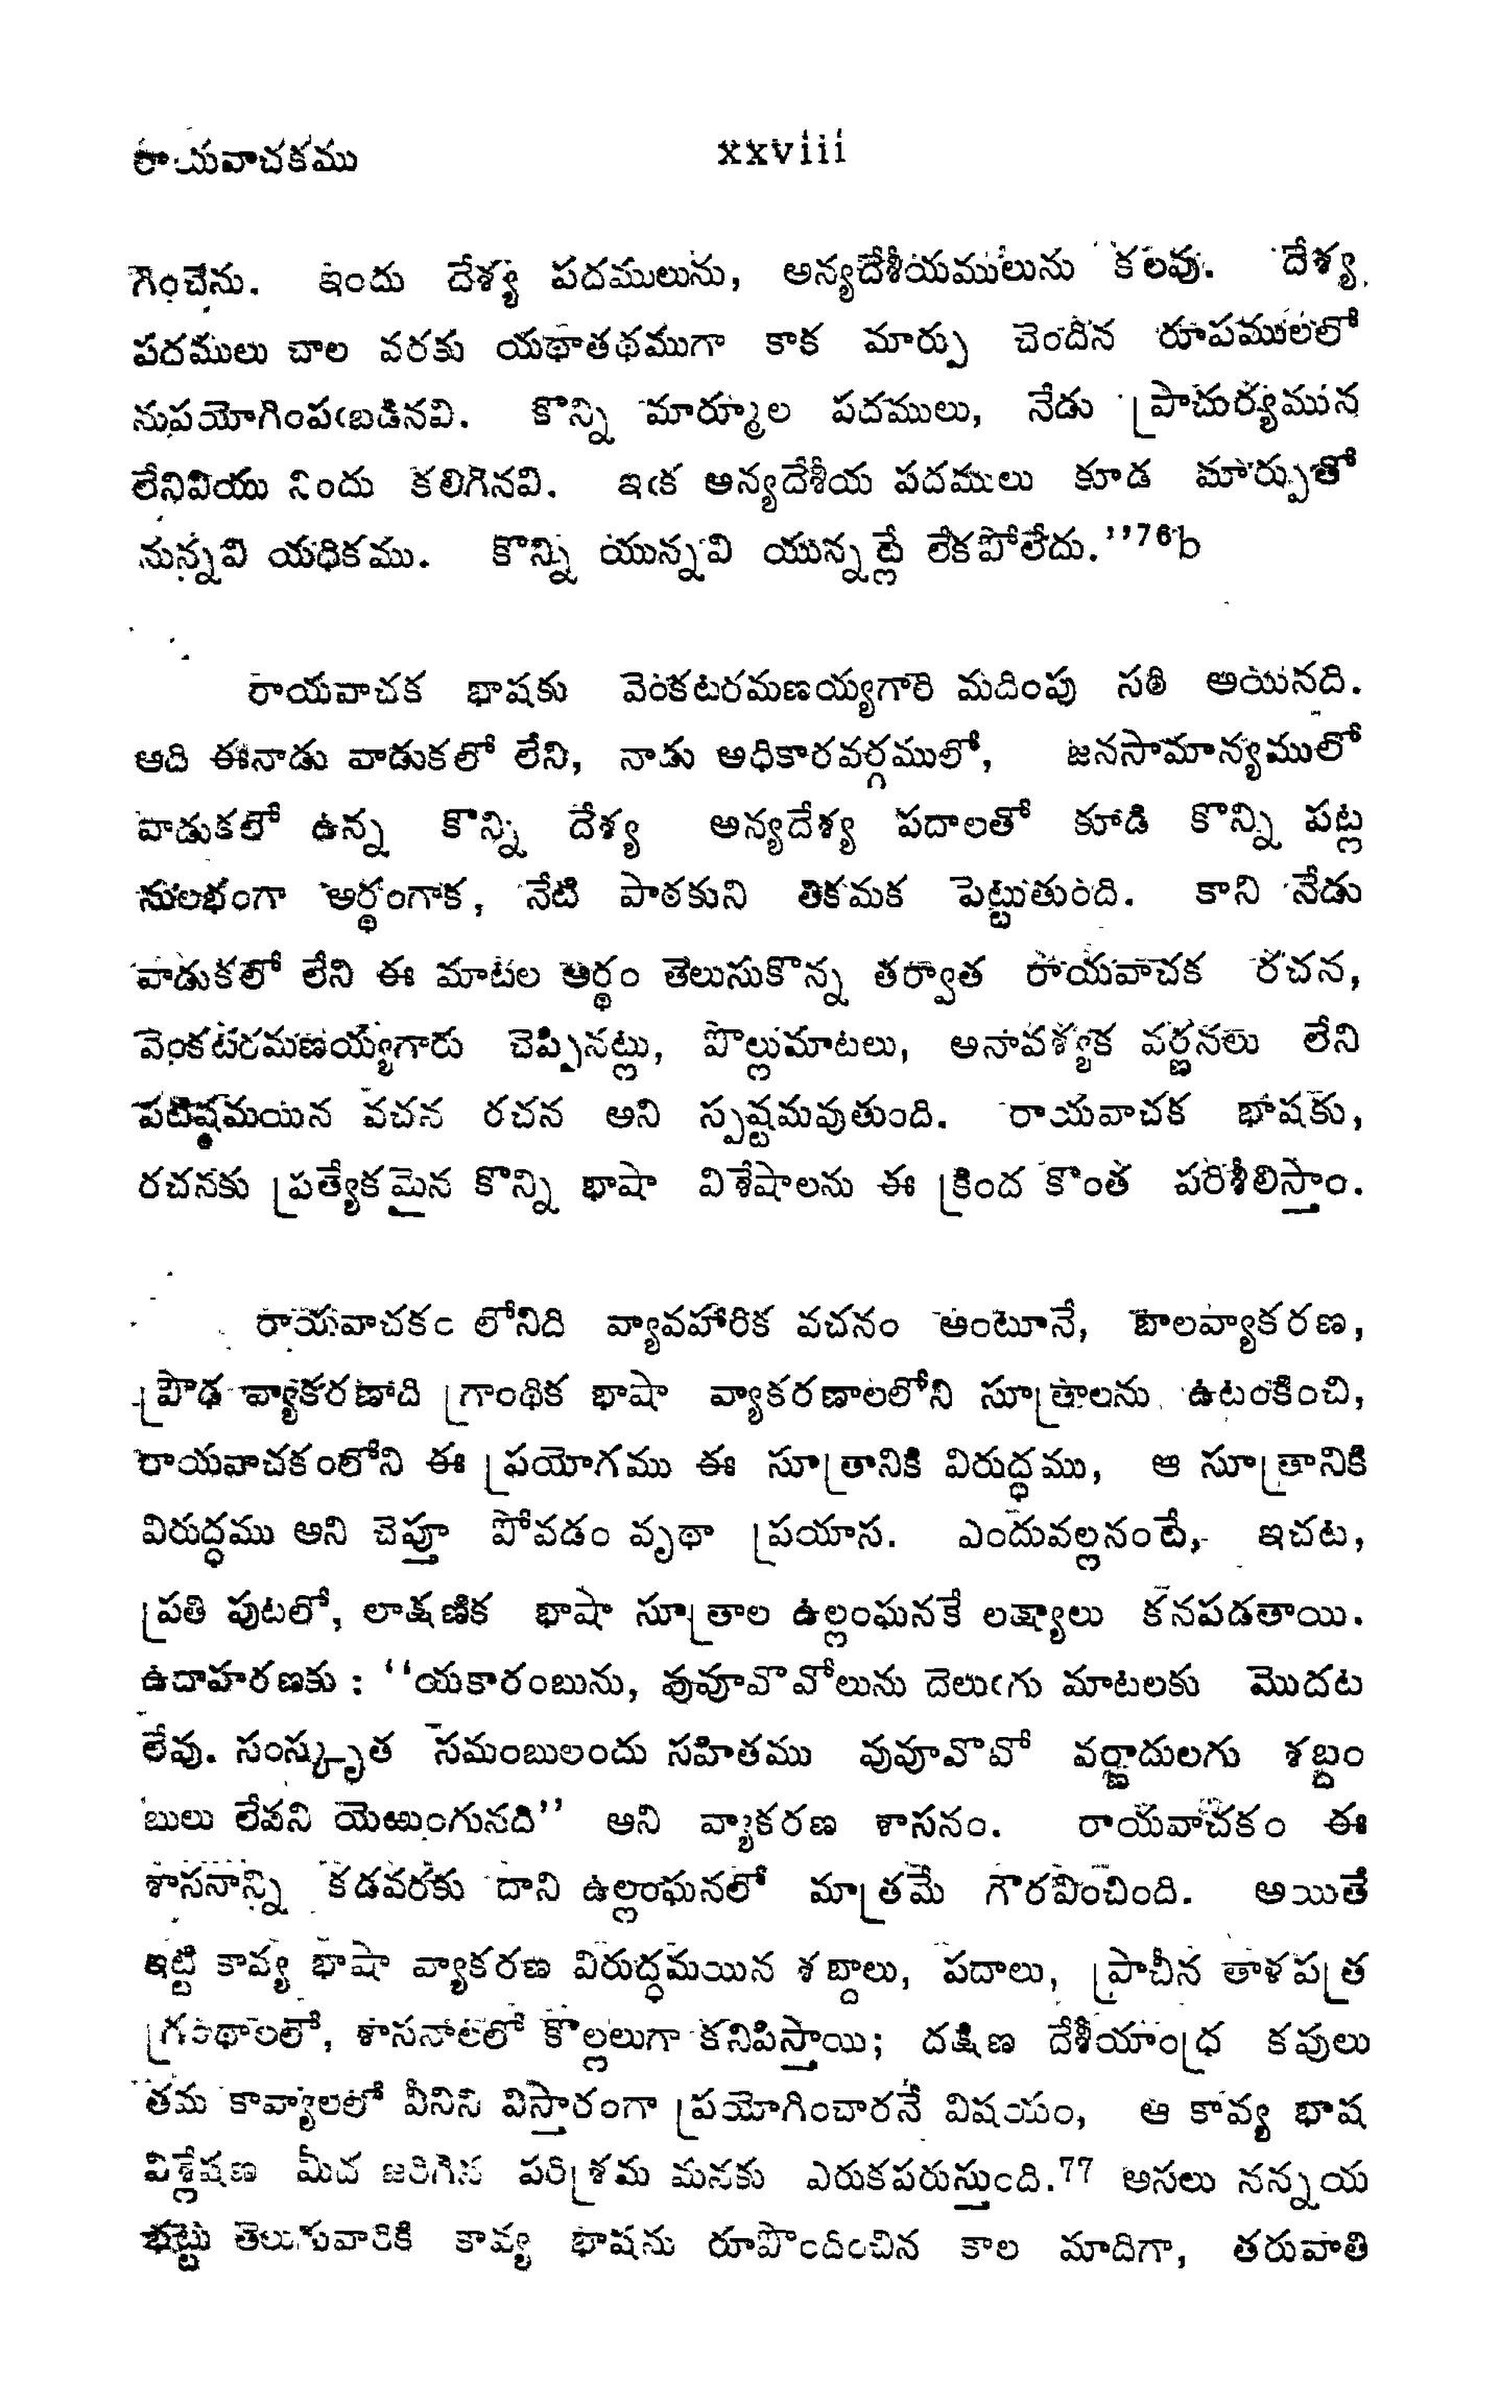గించెను. ఇందు దేశ్యపదములును, అన్యదేశీయములును కలవు. దేశ్యపదములు చాలవరకు యథాతథముగా కాక మార్పు చెందిన రూపములలో నుపయోగింపఁబడినవి. కొన్ని మార్మూలపదములు, నేడు ప్రాచుర్యమున లేనివియు నిందు కలిగినవి. ఇక అన్యదేశీయపదములు కూడ మార్పుతో నున్నవి యధికము. కొన్ని యున్నవి యున్నట్లే లేకపోలేదు.”

రాయవాచక భాషకు వెంకటరమణయ్యగారి మదింపు సరి అయినది. అది ఈనాడు వాడుకలో లేని, నాడు అధికారవర్గములో, జనసామాన్యములోవాడుకలో ఉన్న కొన్ని దేశ్య అన్యదేశ్య పదాలతో కూడి కొన్ని పట్ల సులభంగా అర్థంగాక, నేటి పాఠకుని తికమక పెట్టుతుంది. కాని నేడు వాడుకలో లేని ఈ మాటల అర్థం తెలుసుకొన్న తర్వాత రాయవాచక రచన, వెంకటరమణయ్యగారు చెప్పినట్లు, పొల్లుమాటలు, అనావశ్యకవర్ణనలు లేని పటిష్ఠమయిన వచన రచన అని స్పష్టమవుతుంది. రాయవాచకభాషకు, రచనకు ప్రత్యేకమైన కొన్ని భాషావిశేషాలను ఈ క్రింద కొంత పరిశీలిస్తాం.

రాయవాచకం లోనిది వ్యావహారిక వచనం అంటూనే, బాలవ్యాకరణ, ప్రౌఢవ్యాకరణాది గ్రాంథికభాషావ్యాకరణాలలోని సూత్రాలను ఉటంకించి, రాయవాచకంలోని ఈ ప్రయోగము ఈ సూత్రానికి విరుద్ధము, ఆ సూత్రానికి విరుద్ధము అని చెప్తూ పోవడం వృథా ప్రయాస. ఎందువల్లనంటే, ఇచట, ప్రతి పుటలో, లాక్షణిక భాషా సూత్రాలు ఉల్లంఘనకే లక్ష్యాలు కనపడతాయి. ఉదాహరణకు : ‘యకారంబును, వువూవొవోలును దెలుఁగు మాటలకు మొదట లేవు. సంస్కృతసమంబులందు సహితము వువూవొవో వర్ణాదులగు శబ్దంబులు లేవని యెఱుంగునది" అని వ్యాకరణశాసనం. రాయవాచకం ఈ శాసనాన్ని కడవరకు దాని ఉల్లంఘనలో మాత్రమే గౌరవించింది. అయితే ఇట్టి కావ్యభాషావ్యాకరణవిరుద్ధమయిన శబ్దాలు, పదాలు, ప్రాచీన తాళపత్రగ్రంథాలలో, శాసనాలలో కొల్లలుగా కనిపిస్తాయి; దక్షిణదేశీయాంధ్రకవులు తమ కావ్యాలలో వీనిని విస్తారంగా ప్రయోగించారనే విషయం, ఆ కావ్యభాష విశ్లేషణ మీద జరిగిన పరిశ్రమ మనకు ఎరుకపరుస్తుంది. అసలు నన్నయ భట్టు తెలుగువారికి కావ్యభాషను రూపొందించిన కాల మాదిగా, తరువాతి